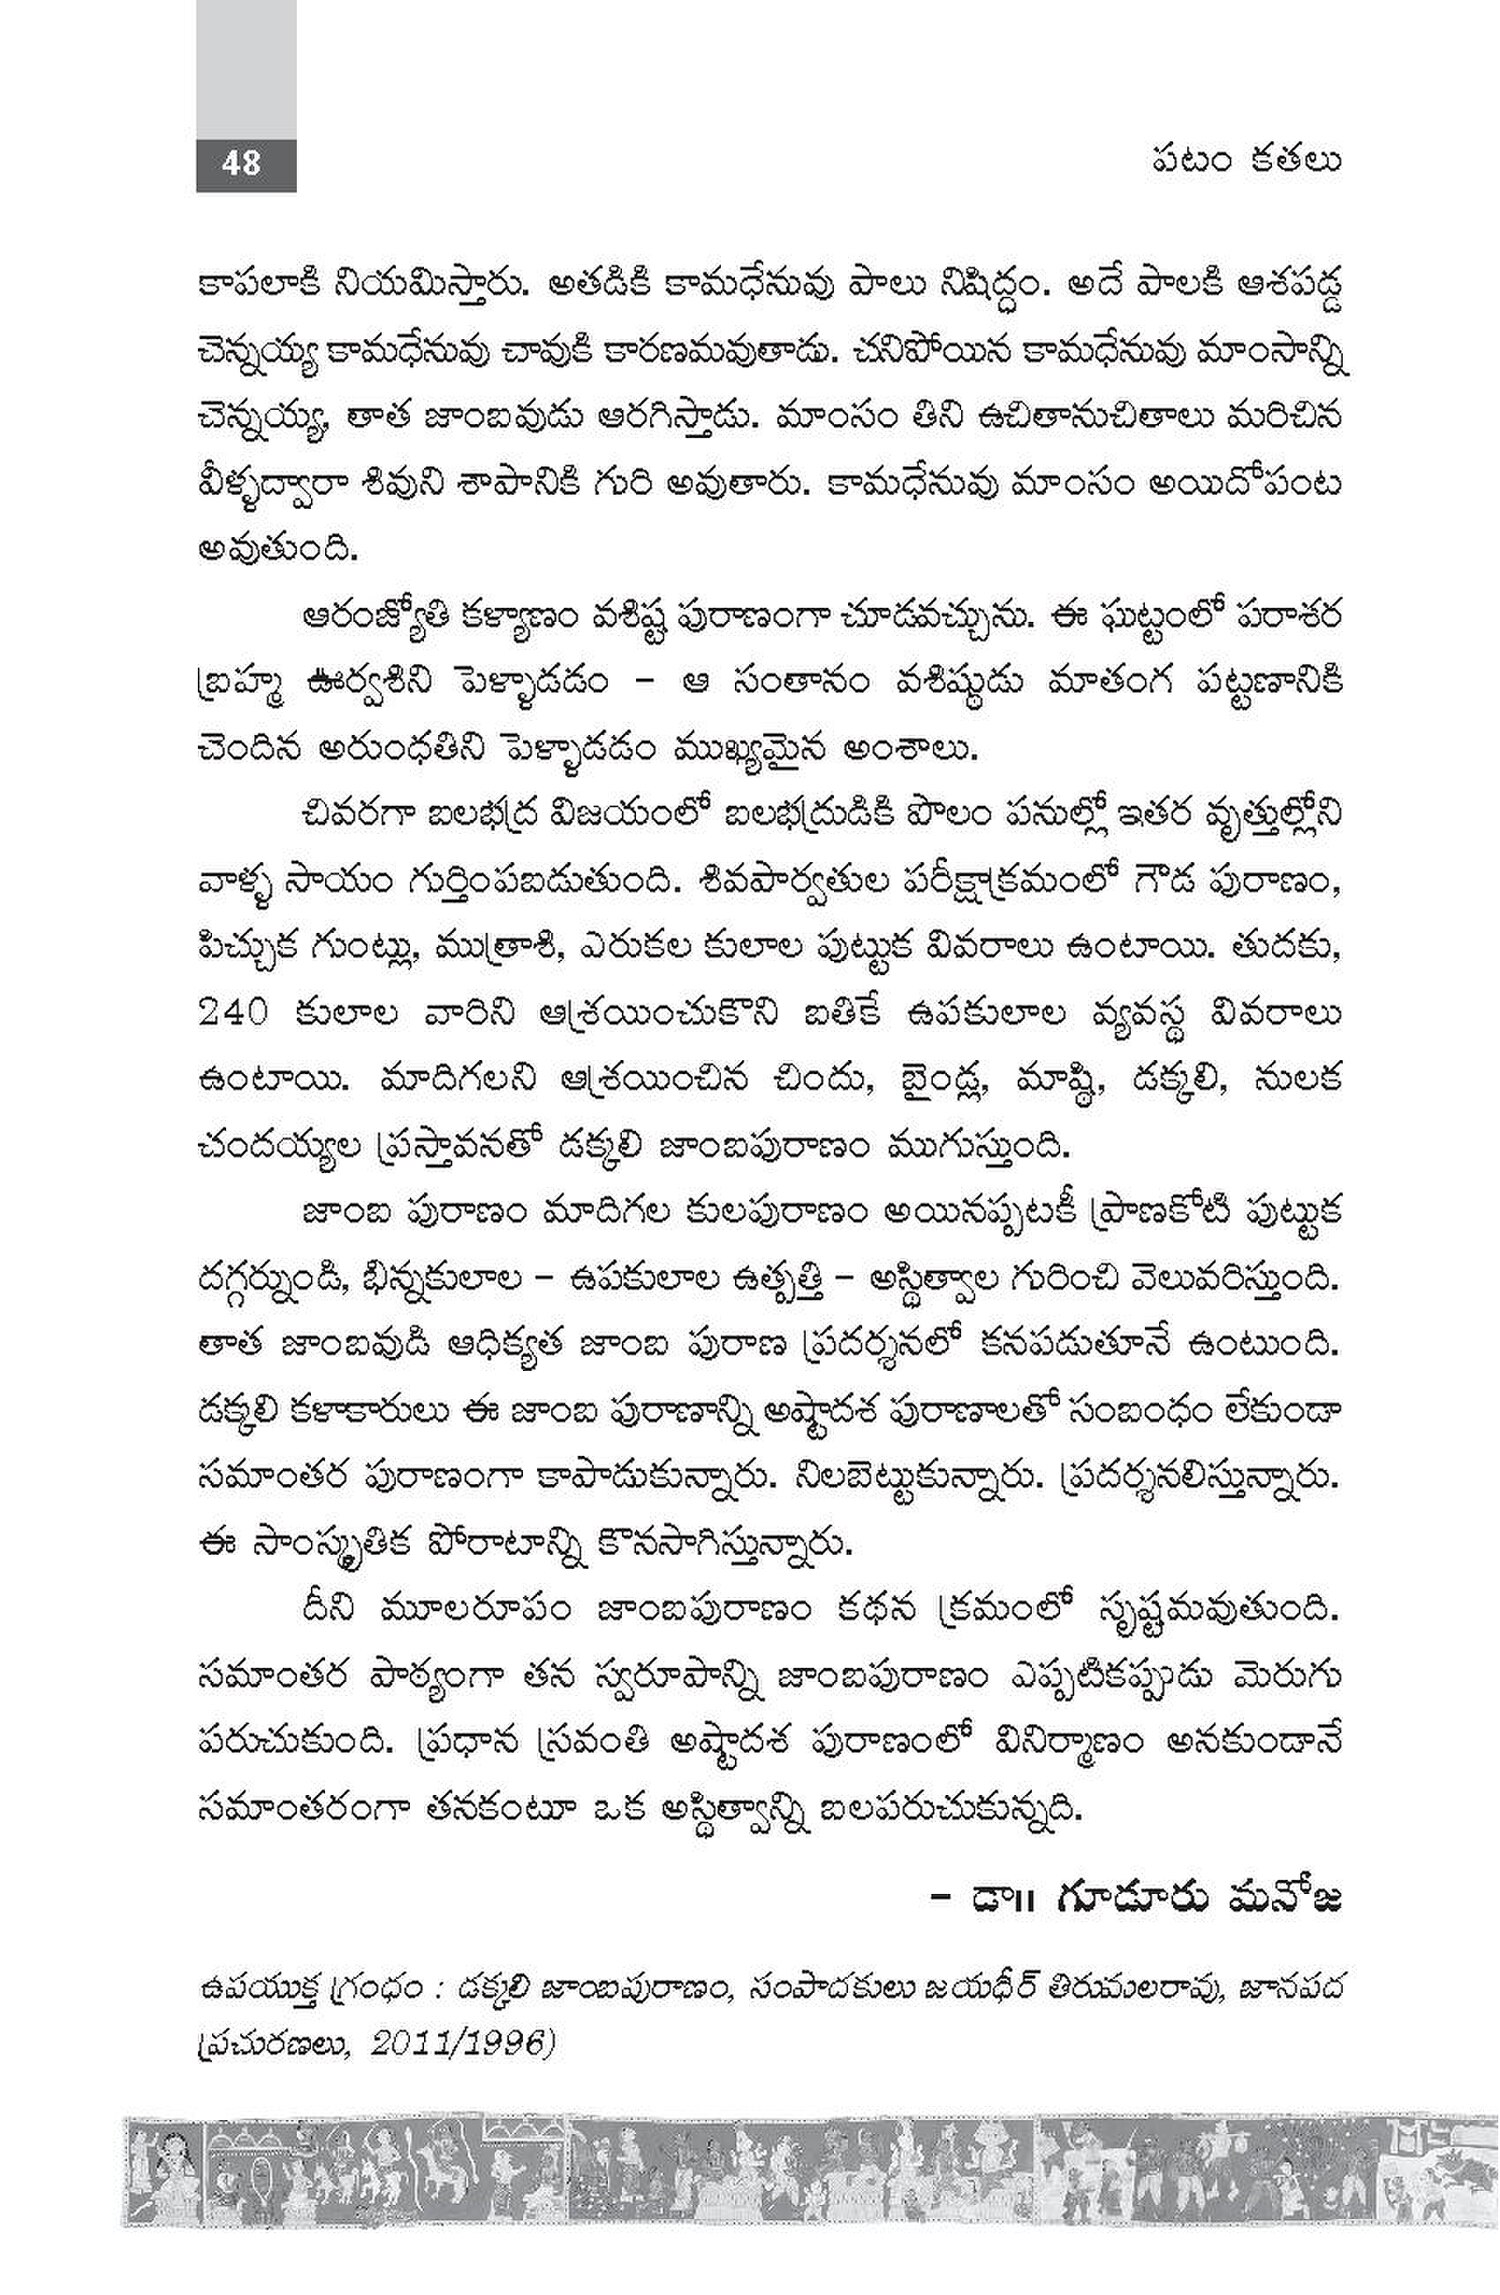కాపలాకి నియమిస్తారు. అతడికి కామధేనువు పాలు నిషిద్ధం. అదే పాలకి ఆశపడ్డ చెన్నయ్య కామధేనువు చావుకి కారణమవుతాడు. చనిపోయిన కామధేనువు మాంసాన్ని చెన్నయ్య, తాత జాంబవుడు ఆరగిస్తాడు. మాంసం తిని ఉచితానుచితాలు మరిచిన వీళ్ళద్వారా శివుని శాపానికి గురి అవుతారు. కామధేనువు మాంసం అయిదో పంట
అవుతుంది.

ఆరంజ్యోతి కళ్యాణం వశిష్ట పురాణంగా చూడవచ్చును. ఈ ఘట్టంలో పరాశర బ్రహ్మ ఊర్వశిని పెళ్ళాడడం ఆ సంతానం వశిష్ఠుడు మాతంగ పట్టణానికి చెందిన అరుంధతిని పెళ్ళాడడం ముఖ్యమైన అంశాలు.

చివరగా బలభద్ర విజయంలో బలభద్రుడికి పొలం పనుల్లో ఇతర వృత్తుల్లోని వాళ్ళ సాయం గుర్తింపబడుతుంది. శివపార్వతుల పరీక్షాక్రమంలో గౌడ పురాణం, పిచ్చుక గుంట్లు, ముత్రాశి, ఎరుకల కులాల పుట్టుక వివరాలు ఉంటాయి. తుదకు, 240 కులాల వారిని ఆశ్రయించుకొని బతికే ఉపకులాల వ్యవస్థ వివరాలు ఉంటాయి. మాదిగలని ఆశ్రయించిన చిందు, బైండ్ల, మాష్ఠి, డక్కలి, నులక చందయ్యల ప్రస్తావనతో డక్కలి జాంబపురాణం ముగుస్తుంది.

జాంబ పురాణం మాదిగల కులపురాణం అయినప్పటకీ ప్రాణకోటి పుట్టుక దగ్గర్నుండి, భిన్నకులాల - ఉపకులాల ఉత్పత్తి - అస్థిత్వాల గురించి వెలువరిస్తుంది. తాత జాంబవుడి ఆధిక్యత జాంబ పురాణ ప్రదర్శనలో కనపడుతూనే ఉంటుంది.
డక్కలి కళాకారులు ఈ జాంబ పురాణాన్ని అష్టాదశ పురాణాలతో సంబంధం లేకుండా సమాంతర పురాణంగా కాపాడు కున్నారు. నిలబెట్టుకున్నారు. ప్రదర్శనలిస్తున్నారు. ఈ సాంస్కృతిక పోరాటాన్ని కొనసాగిస్తున్నారు.

దీని మూలరూపం జాంబపురాణం కథన క్రమంలో స్పష్టమవుతుంది. సమాంతర పాఠ్యంగా తన స్వరూపాన్ని జాంబపురాణం ఎప్పటికప్పుడు మెరుగు పరుచుకుంది. ప్రధాన స్రవంతి అష్టాదశ పురాణంలో వినిర్మాణం అనకుండానే
సమాంతరంగా తనకంటూ ఒక అస్థిత్వాన్ని బలపరుచుకున్నది.

ఉపయుక్త గ్రంధం: డక్కలి జాంబపురాణం, సంపాదకులు జయధీర్ తిరుమలరావు, జానపద ప్రచురణలు, 2011/1996)